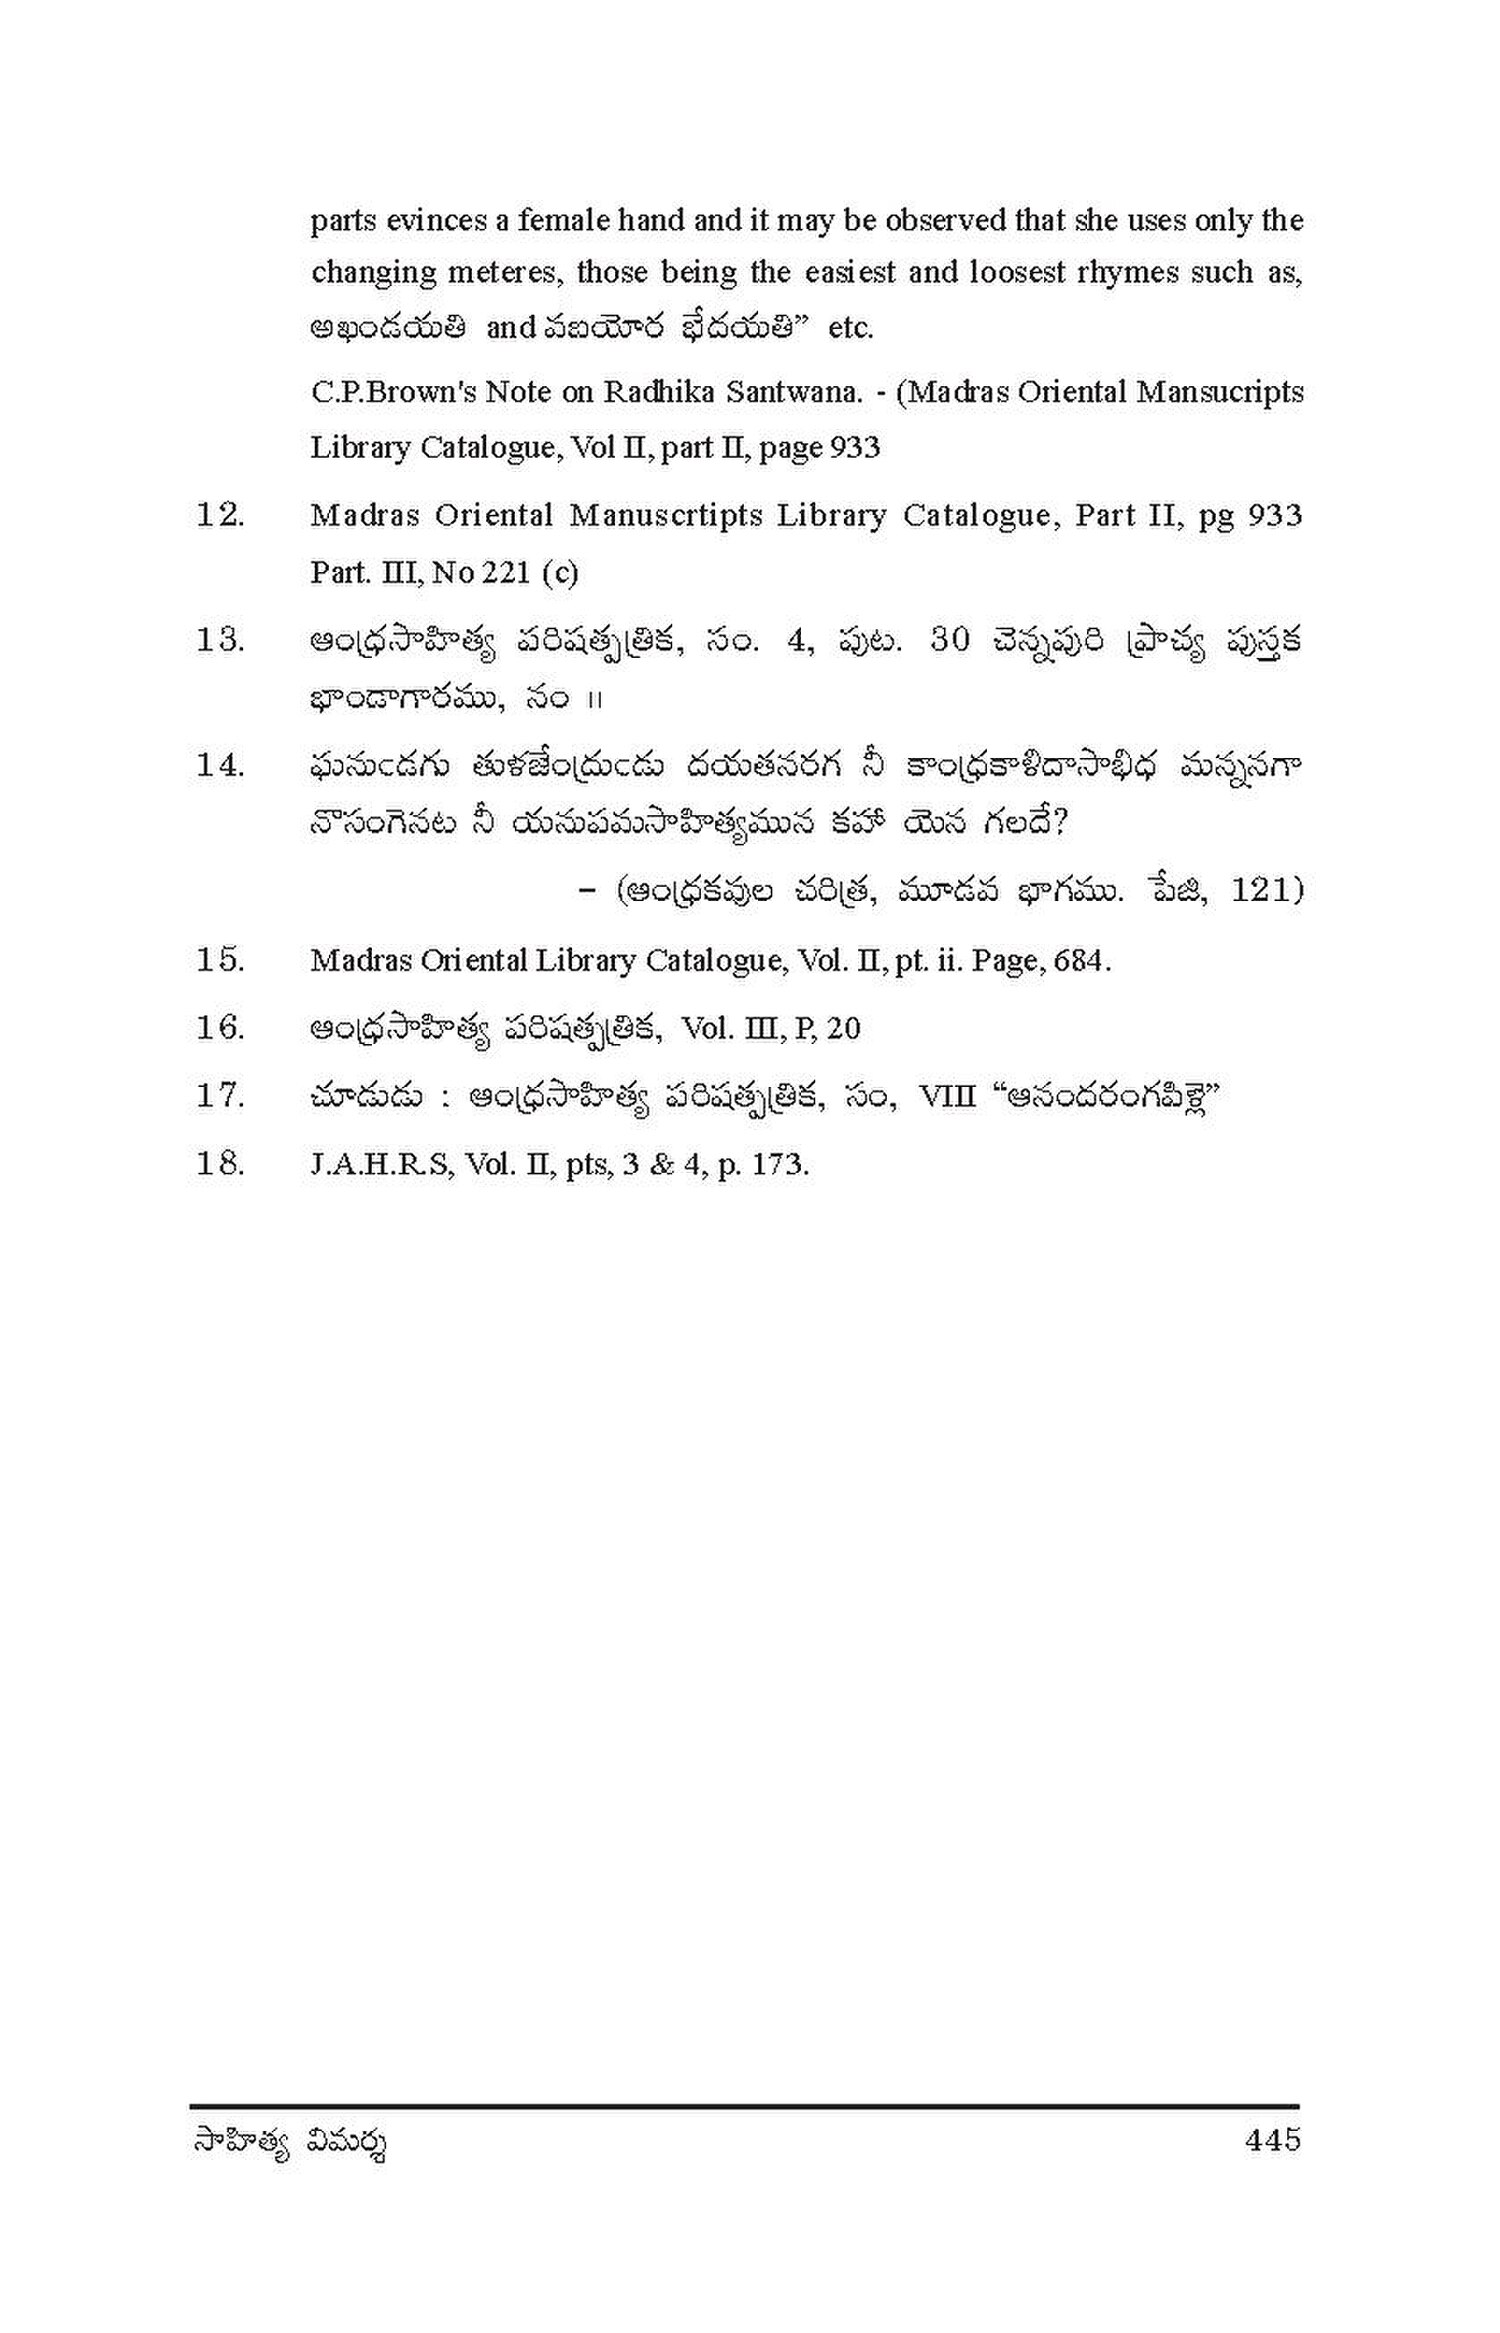parts evinces a female hand and it may be observed that she uses only the
changing meteres, those being the easiest and loosest rhymes such as,
అఖండయతి and బయోర భేదయతి" etc.

C.P.Brown's Note on Radhika Santwana. - (Madras Oriental Mansucripts
Library Catalogue, Vol II, part II, page 933

12. Madras Oriental Manuscrtipts Library Catalogue, Part II, pg 933
Part. III, No 221 (c)

13. ఆంధ్రసాహిత్య పరిషత్పత్రిక, సం. 4, పుట. 30 చెన్నపురి ప్రాచ్య పుస్తక
భాండాగారము, నం ॥

14. ఘనుఁడగు తుళజేంద్రుఁడు దయతనరగ నీ కాంధ్రకాళిదాసాభిధ మన్ననగా
నొసంగెనట నీ యనుపమసాహిత్యమున కహా యెన గలదే?
- (ఆంధ్రకవుల చరిత్ర, మూడవ భాగము. పేజి, 121)

15. Madras Oriental Library Catalogue, Vol. II, pt. ii. Page, 684.

16. ఆంధ్రసాహిత్య పరిషత్పత్రిక, Vol. III, P, 20

17. చూడుడు : ఆంధ్రసాహిత్య పరిషత్పత్రిక, సం, VIII “ఆనందరంగపిళ్లై”

18. J.A.H.R.S, Vol. II, pts, 3 & 4, p. 173.